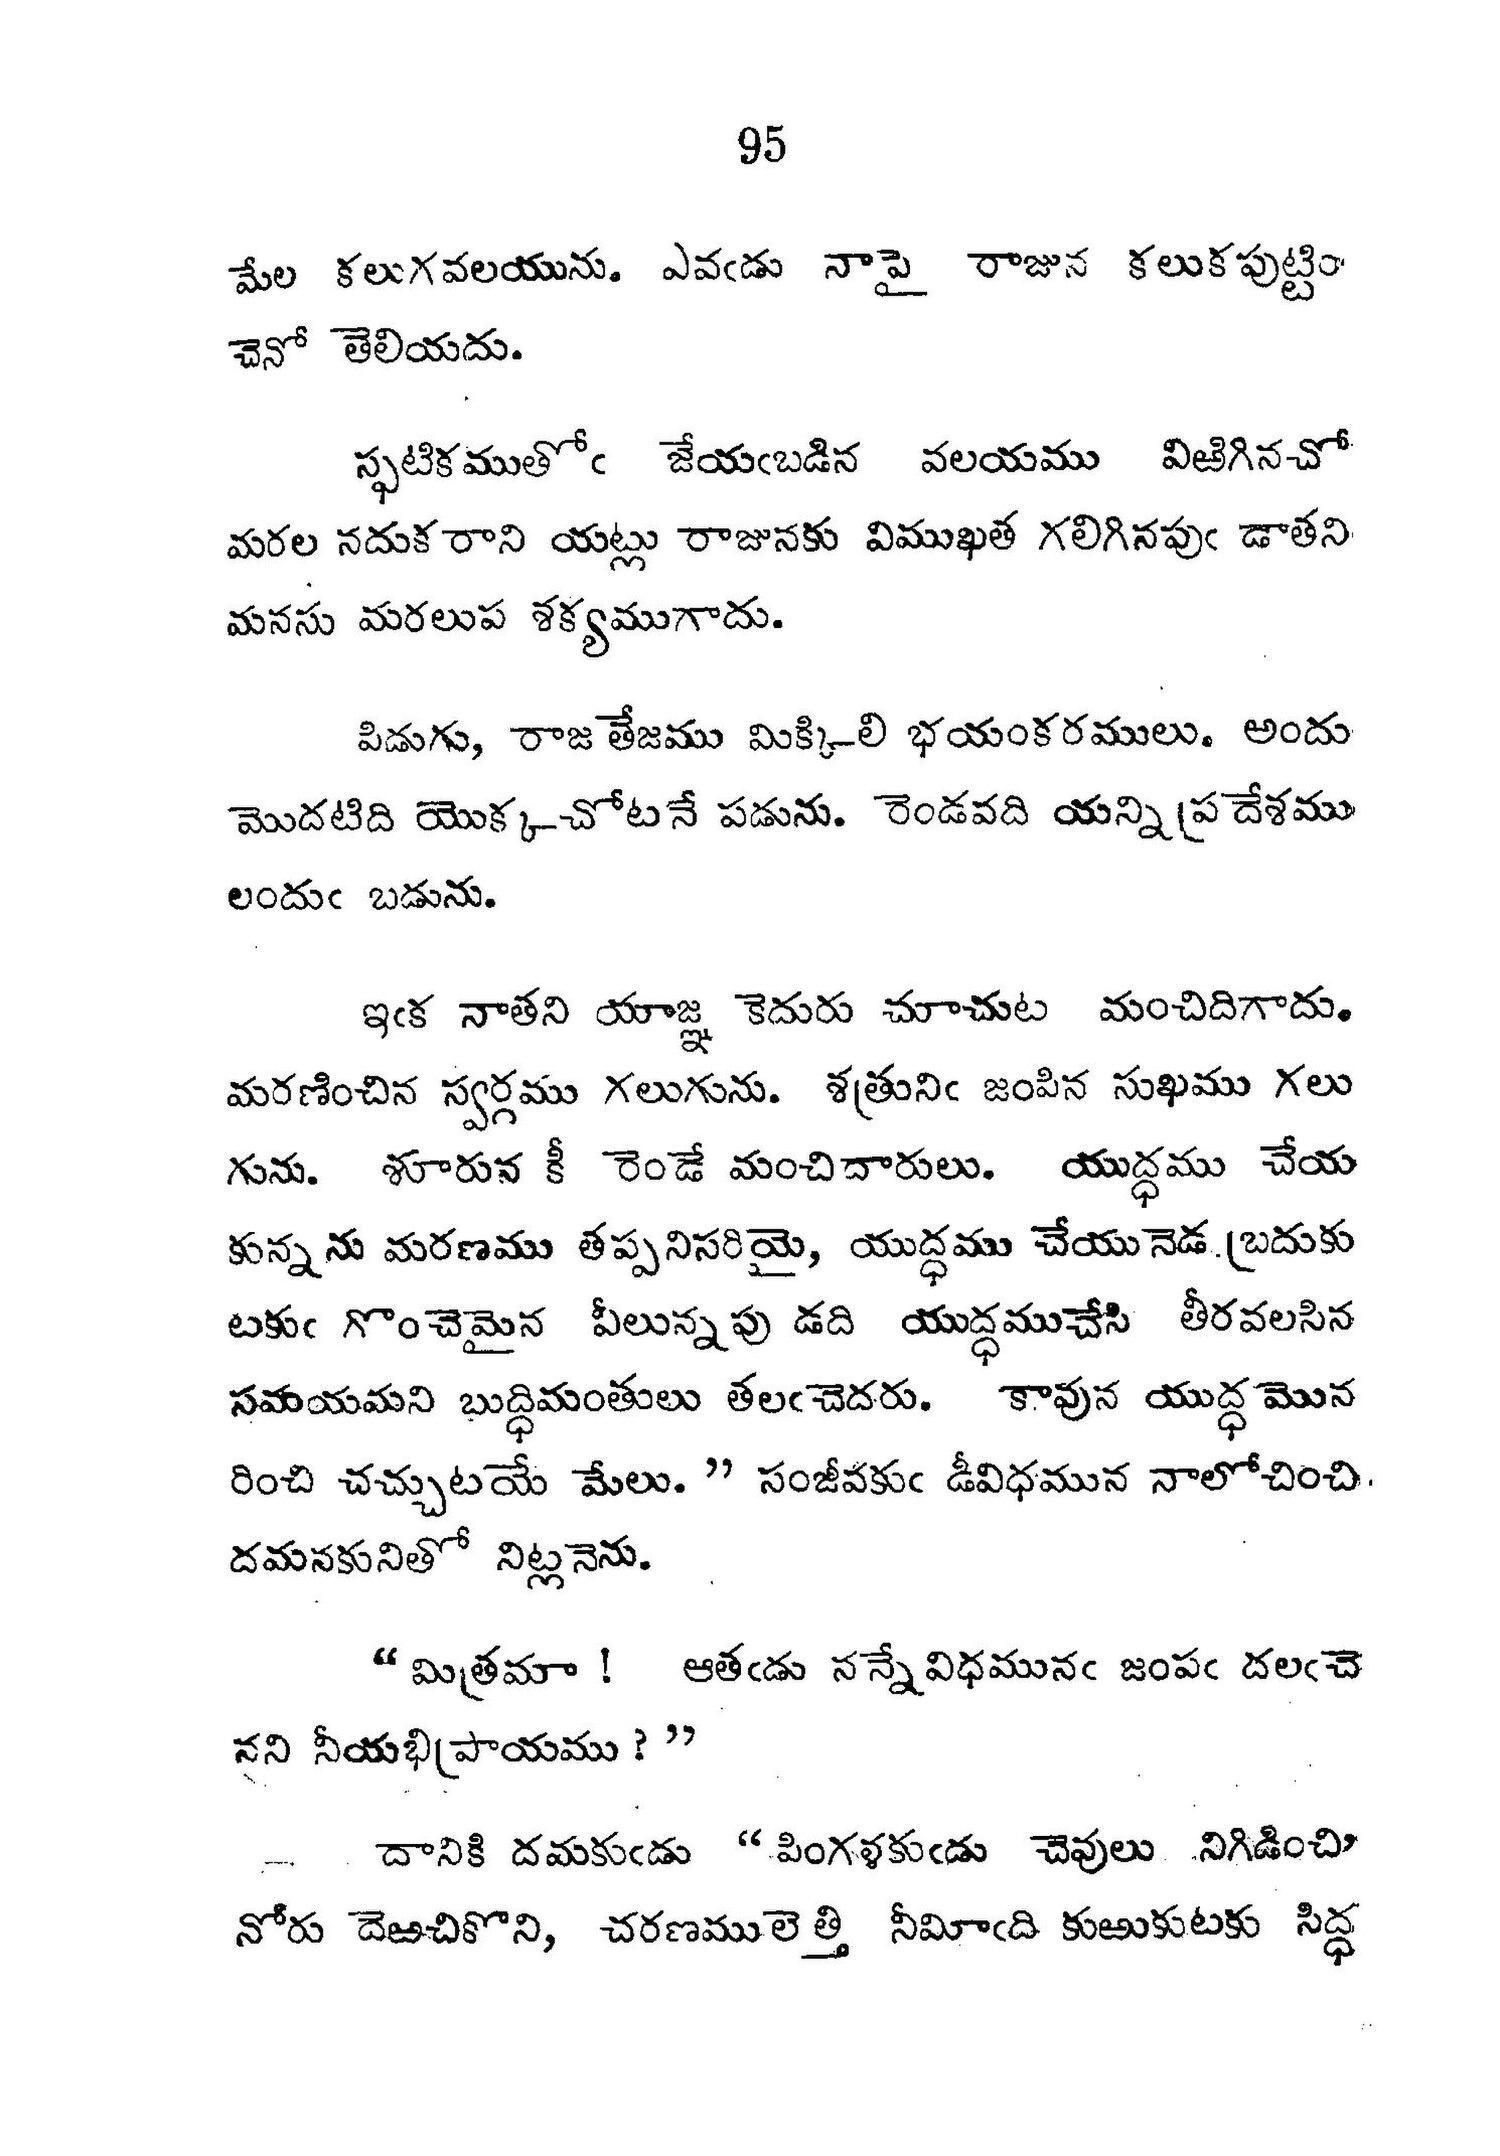మేల కలుగవలయును. ఎవడు నాపై రాజున కలుకపుట్టించెనో తెలియదు.

స్ఫటికముతో జేయబడిన వలయము విఱిగినచో మరల నదుక రాని యట్లు రాజునకు విముఖత గలిగినపు డాతని మనసు మరలుప శక్యముగాదు.

పిడుగు, రాజ తేజము మిక్కిలి భయంకరములు. అందు మొదటిది యొక్కచోటనే పడును. రెండవది యన్ని ప్రదేశము లందు బడును.

ఇక నాతని యాజ్ఞ కెదురు చూచుట మంచిదిగాదు. మరణించిన స్వర్గము గలుగును. శత్రుని జంపిన సుఖము గలుగును. శూరున కీ రెండే మంచిదారులు. యుద్ధము చేయకున్నను మరణము తప్పనిసరియై, యుద్ధము చేయునెడ బ్రదుకుటకు గొంచెమైన వీలున్నపు డది యుద్ధముచేసి తీరవలసిన సమయమని బుద్ధిమంతులు తలచెదరు. కావున యుద్ధమొనరించి చచ్చుటయే మేలు." సంజీవకు డీవిధమున నాలోచించి దమనకునితో నిట్లనెను.

"మిత్రమా! ఆతడు నన్నేవిధమున జంప దలచెనని నీయభిప్రాయము?"

దానికి దమనకుడు "పింగళకుడు చెవులు నిగిడించి నోరు దెఱచికొని, చరణములెత్తి నీమీది కుఱుకుటకు సిద్ధ